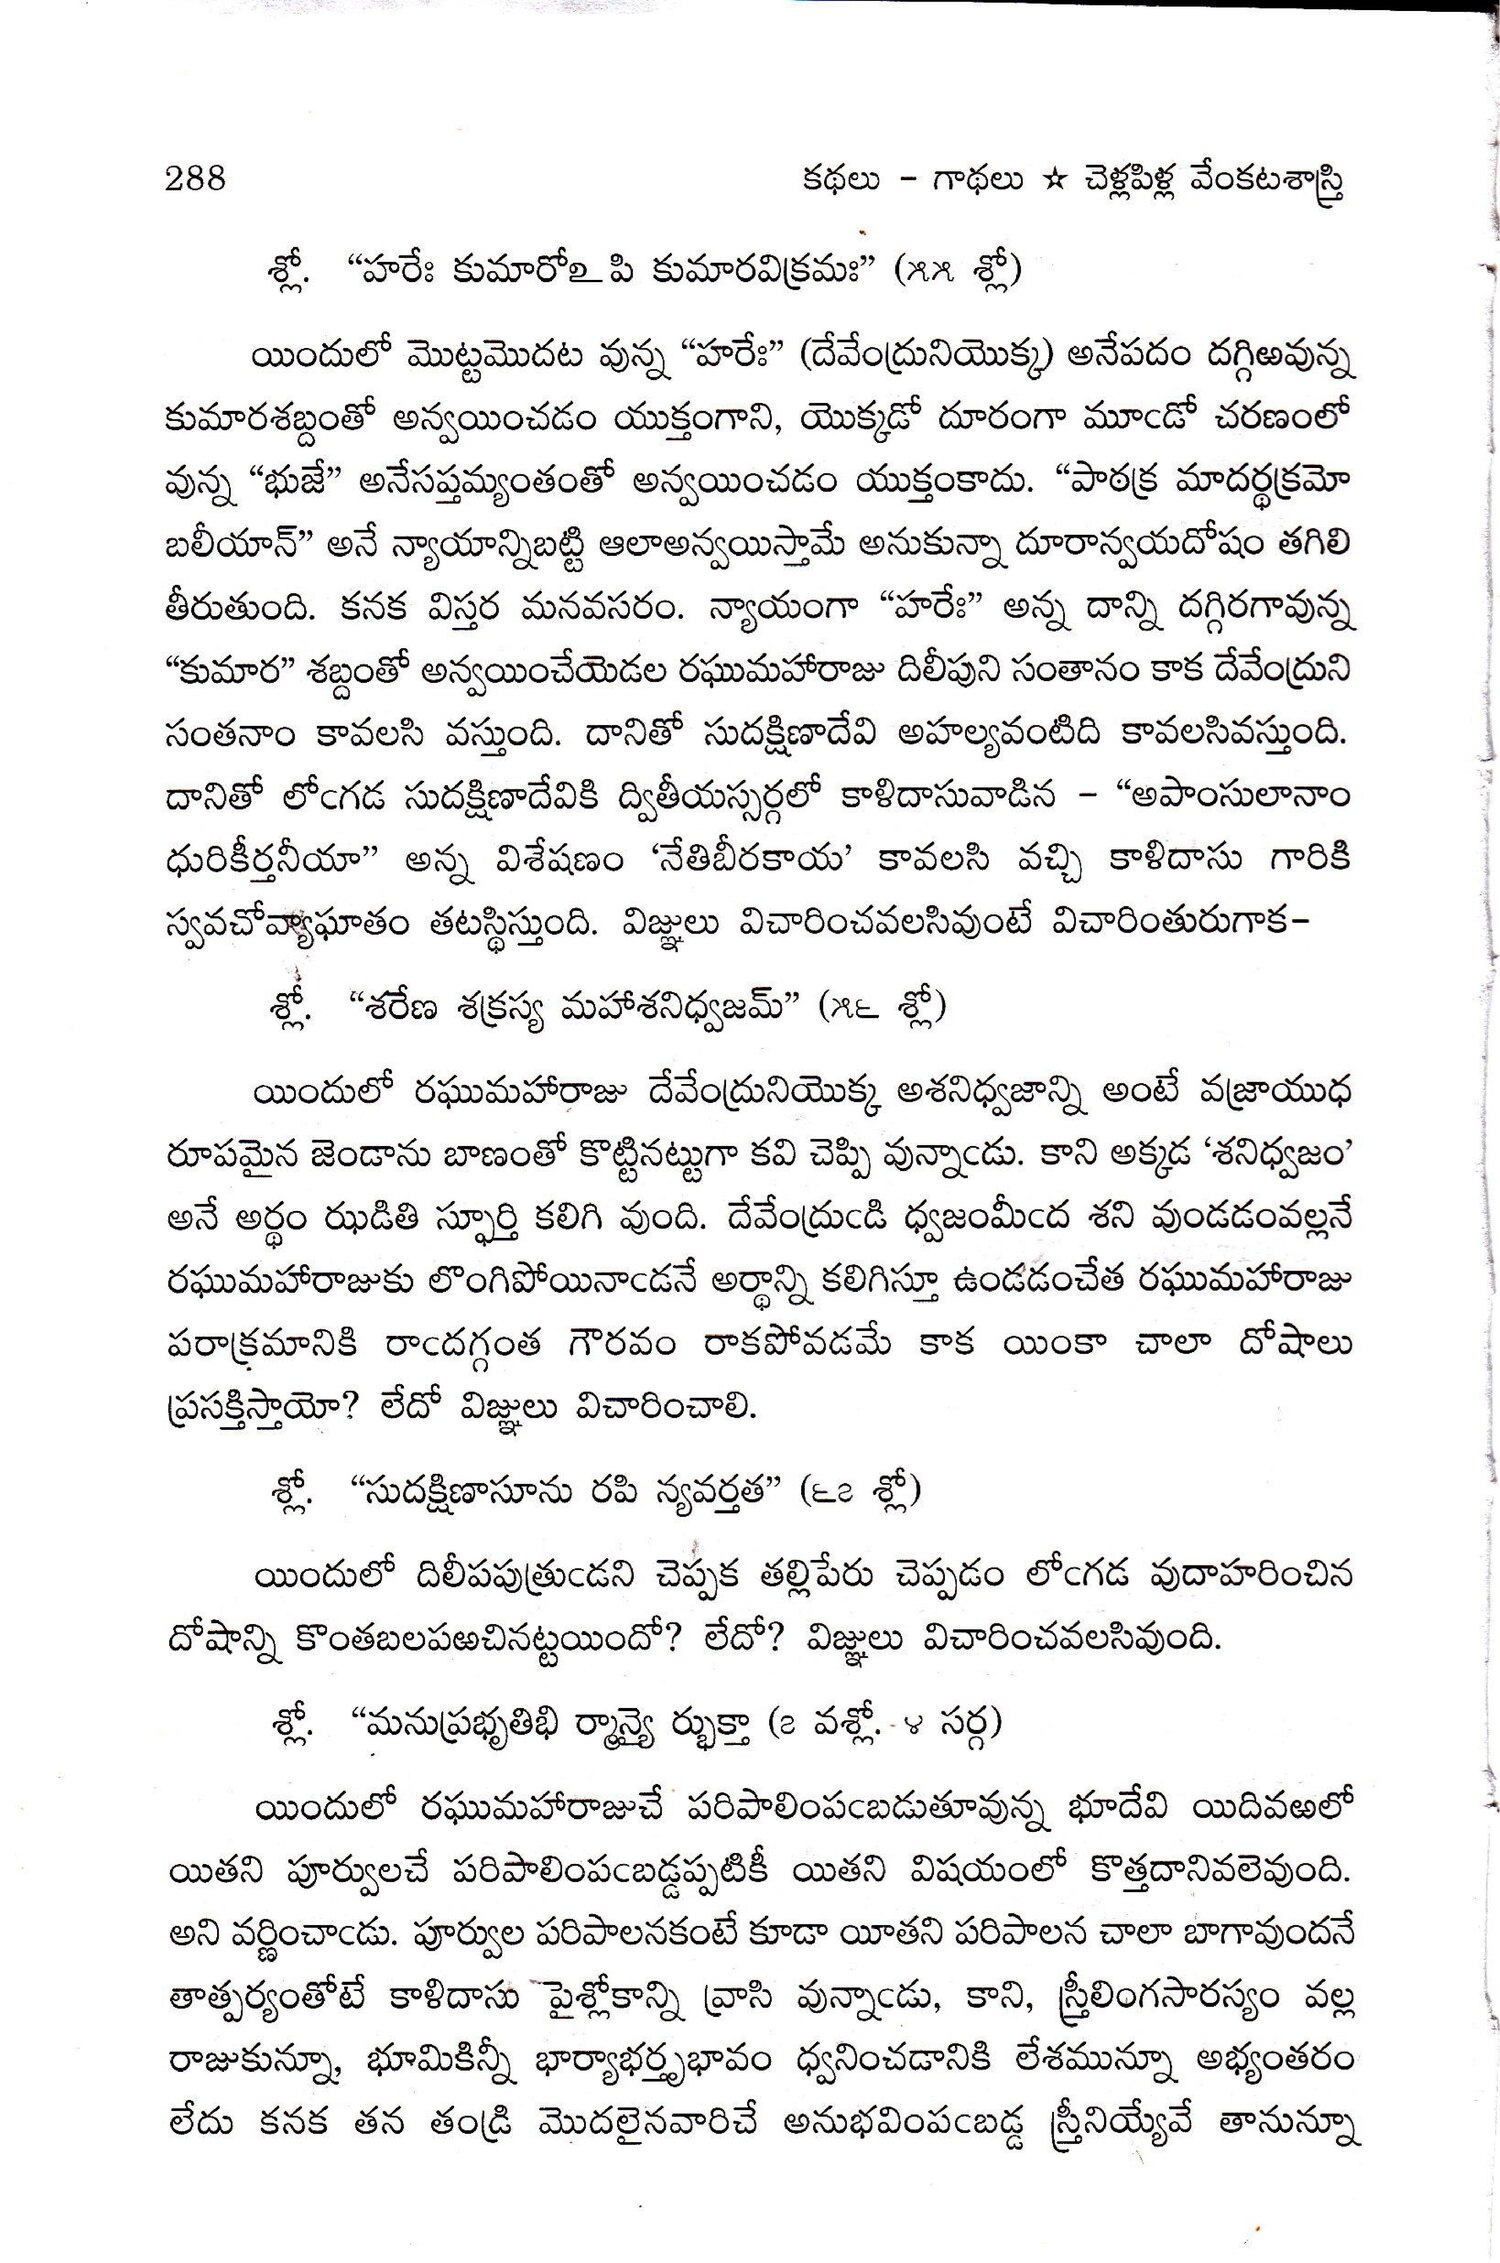శ్లో. “హరేః కుమారో౽పి కుమారవిక్రమః" (55 శ్లో)
యిందులో మొట్టమొదట వున్న "హరేః" (దేవేంద్రునియొక్క) అనేపదం దగ్గిఱవున్న కుమారశబ్దంతో అన్వయించడం యుక్తంగాని, యొక్కడో దూరంగా మూఁడో చరణంలో వున్న “భుజే" అనేసప్తమ్యంతంతో అన్వయించడం యుక్తంకాదు. "పాఠక్ర మాదర్థక్రమో బలీయాన్" అనే న్యాయాన్నిబట్టి ఆలాఅన్వయిస్తామే అనుకున్నా దూరాన్వయదోషం తగిలి తీరుతుంది. కనక విస్తర మనవసరం. న్యాయంగా "హరేః" అన్న దాన్ని దగ్గిరగావున్న “కుమార" శబ్దంతో అన్వయించేయెడల రఘుమహారాజు దిలీపుని సంతానం కాక దేవేంద్రుని సంతనాం కావలసి వస్తుంది. దానితో సుదక్షిణాదేవి అహల్యవంటిది కావలసివస్తుంది. దానితో లోఁగడ సుదక్షిణాదేవికి ద్వితీయస్సర్గలో కాళిదాసువాడిన - "అపాంసులానాం ధురికీర్తనీయా" అన్న విశేషణం 'నేతిబీరకాయ' కావలసి వచ్చి కాళిదాసు గారికి స్వవచోవ్యాఘాతం తటస్థిస్తుంది. విజ్ఞులు విచారించవలసివుంటే విచారింతురుగాక-

శ్లో. "శరేణ శక్రస్య మహాశనిధ్వజమ్" (56 శ్లో)
యిందులో రఘుమహారాజు దేవేంద్రునియొక్క అశనిధ్వజాన్ని అంటే వజ్రాయుధ రూపమైన జెండాను బాణంతో కొట్టినట్టుగా కవి చెప్పి వున్నాఁడు. కాని అక్కడ 'శనిధ్వజం' అనే అర్థం ఝడితి స్ఫూర్తి కలిగి వుంది. దేవేంద్రుఁడి ధ్వజంమీఁద శని వుండడంవల్లనే రఘుమహారాజుకు లొంగిపోయినాఁడనే అర్ధాన్ని కలిగిస్తూ ఉండడంచేత రఘుమహారాజు పరాక్రమానికి రాఁదగ్గంత గౌరవం రాకపోవడమే కాక యింకా చాలా దోషాలు ప్రసక్తిస్తాయో? లేదో విజ్ఞులు విచారించాలి.

శ్లో. “సుదక్షిణాసూను రపి న్యవర్తత" (67 శ్లో)
యిందులో దిలీపపుత్రుఁడని చెప్పక తల్లిపేరు చెప్పడం లోఁగడ వుదాహరించిన దోషాన్ని కొంతబలపఱచినట్టయిందో? లేదో? విజ్ఞులు విచారించవలసివుంది.

శ్లో. “మనుప్రభృతిభి ర్మాన్యై రక్తా (7 వశ్లో 4 సర్గ)
యిందులో రఘుమహారాజుచే పరిపాలింపఁబడుతూవున్న భూదేవి యిదివఱలో యితని పూర్వులచే పరిపాలింపఁబడ్డప్పటికీ యితని విషయంలో కొత్తదానివలెవుంది. అని వర్ణించాఁడు. పూర్వుల పరిపాలనకంటే కూడా యీతని పరిపాలన చాలా బాగావుందనే తాత్పర్యంతోటే కాళిదాసు పైశ్లోకాన్ని వ్రాసి వున్నాఁడు, కాని, స్త్రీలింగసారస్యం వల్ల రాజుకున్నూ, భూమికిన్నీ భార్యాభర్తృభావం ధ్వనించడానికి లేశమున్నూ అభ్యంతరం లేదు కనక తన తండ్రి మొదలైనవారిచే అనుభవింపఁబడ్డ స్త్రీనియ్యేవే తానున్నూ